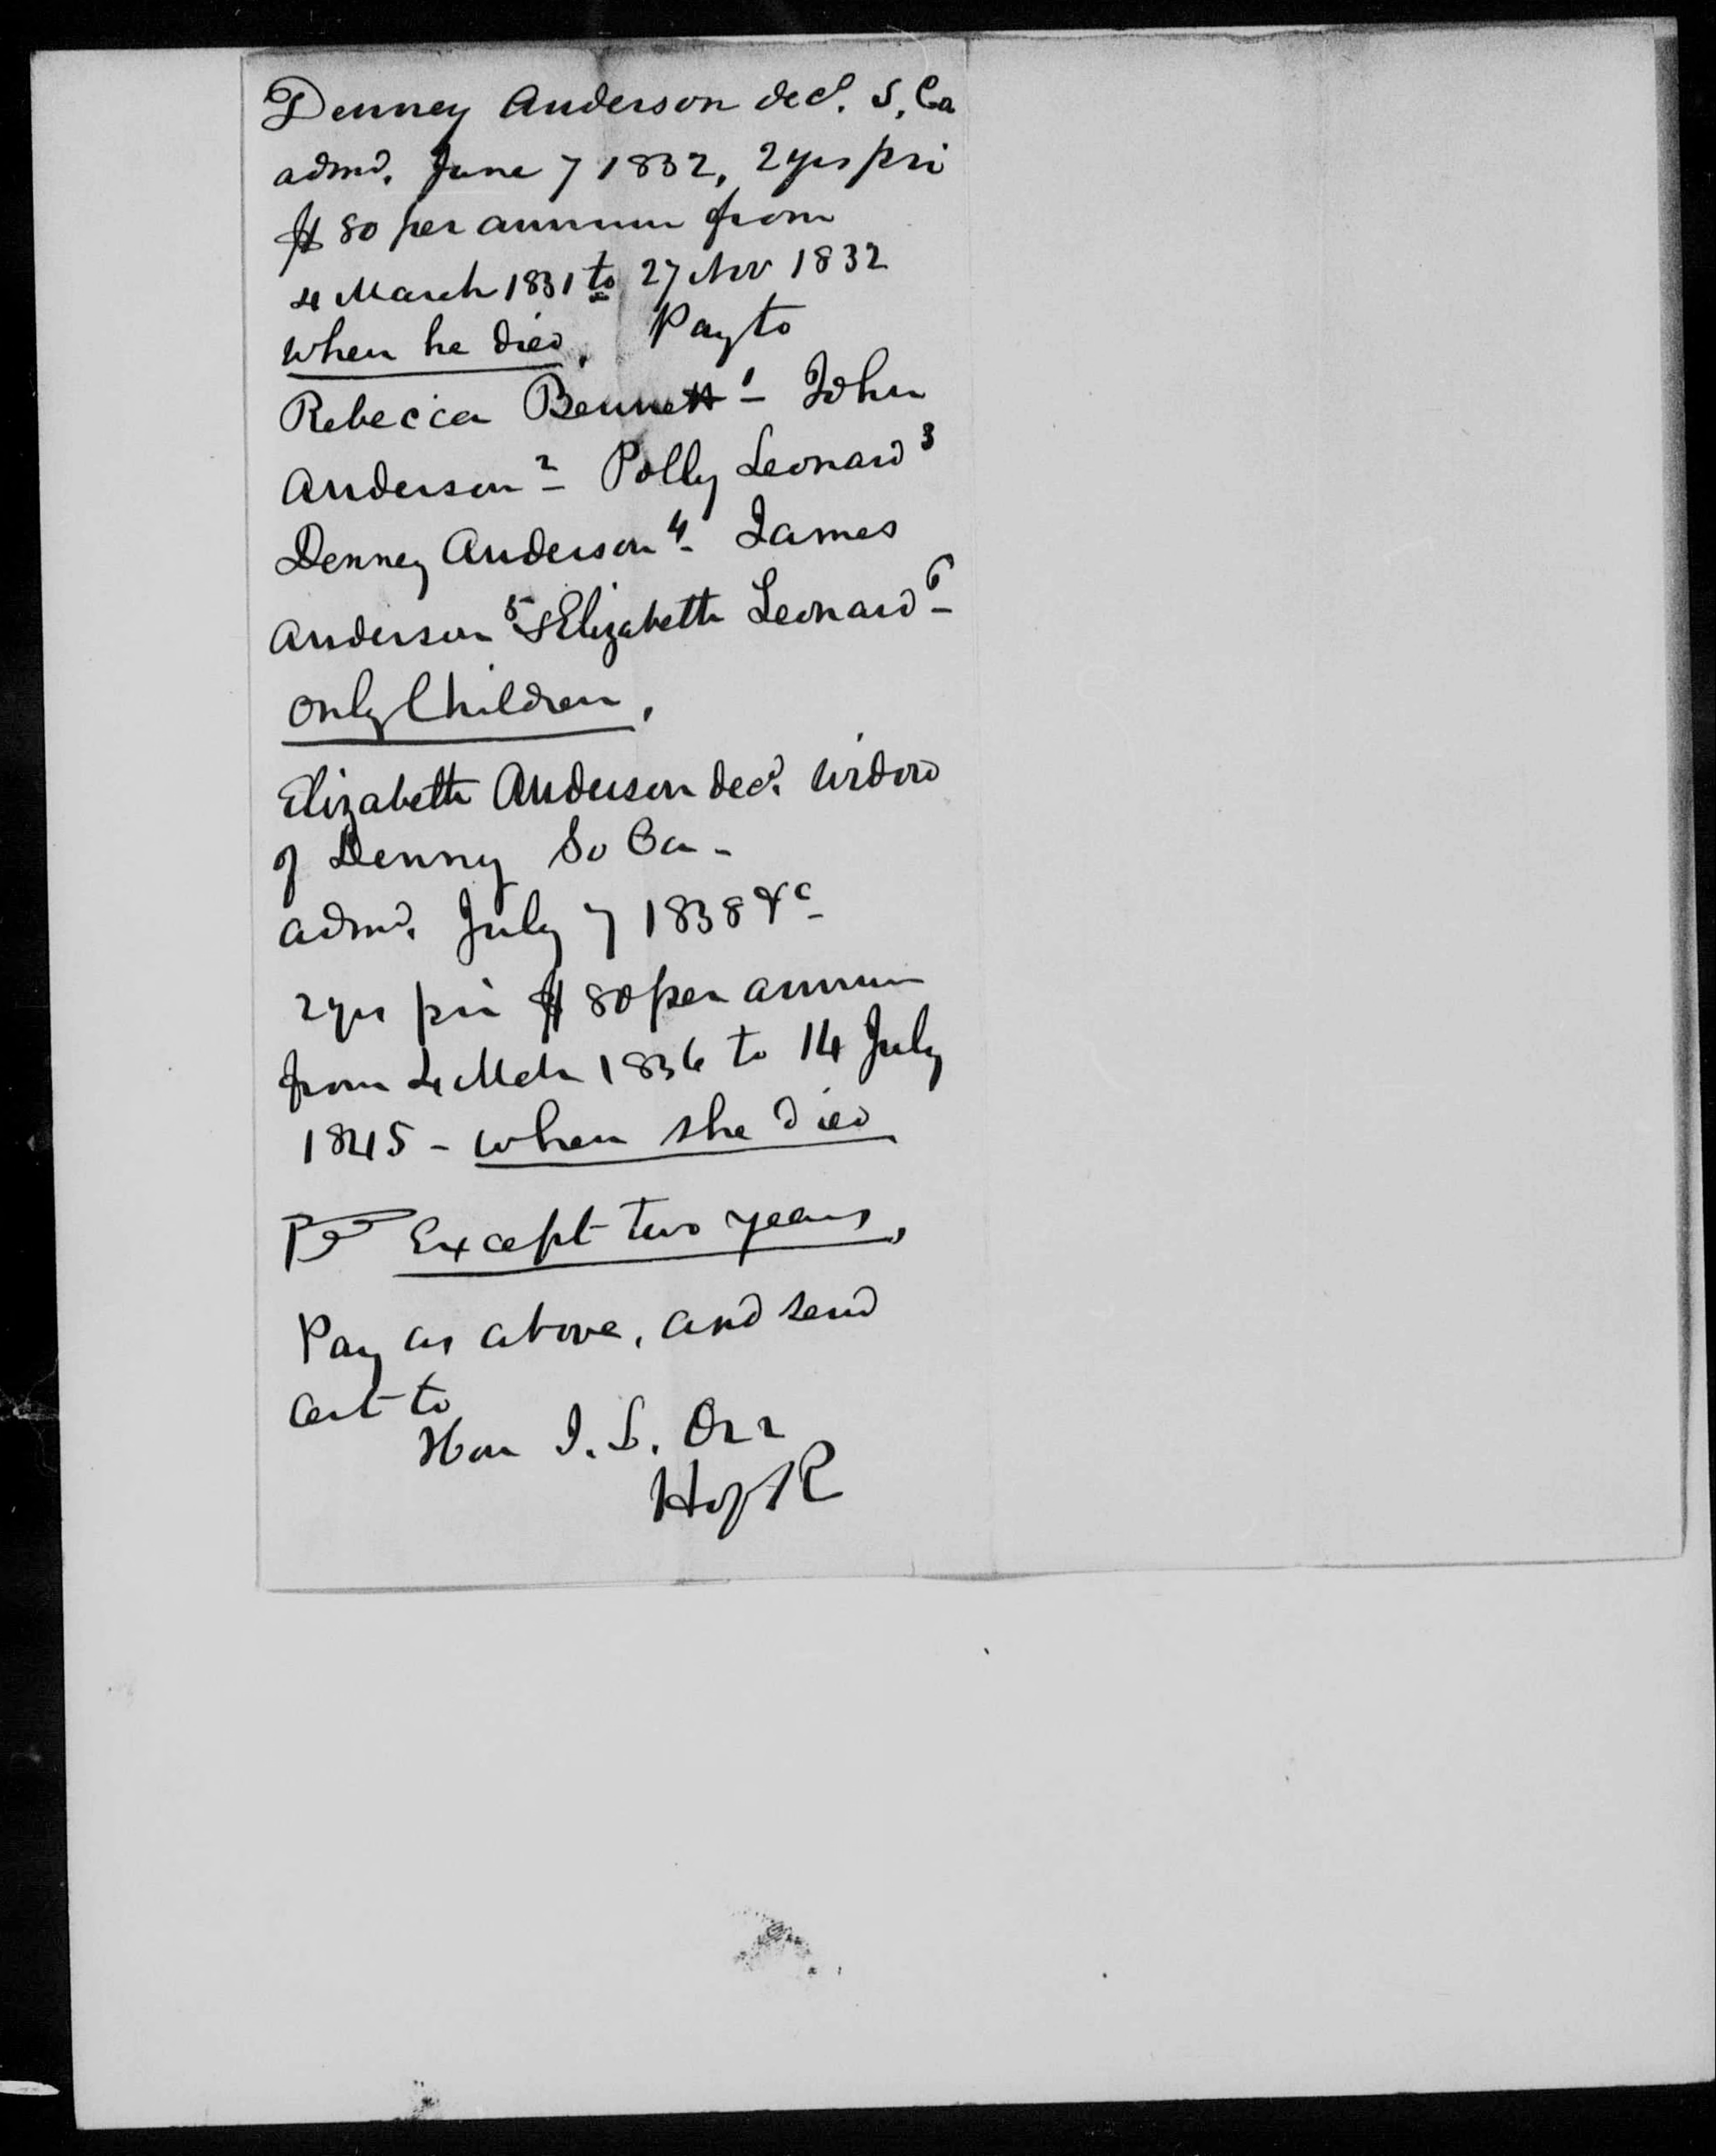Denney Anderson decd. S. Ca admd. June 7 1832, 2 yrs pri
$80 per annum from 4 March 1831 to 27 Nov 1832 when he died. Pay to
Rebecca Bennett 1 - John Anderson 2 - Polly Leonard 3
Denney Anderson 4 - James Anderson 5 & Elizabeth Leonard 6 - 
only children.
Elizabeth Anderson decd. widow of Denny So Ca.
Adm. July 7 1838 &c
2 yr Pri $80 per annum
from 4th Mch 1836 to 14 July 1845 - when she died
                _________
[Symbol =note] Except two years,
Pay as above, and send cert to 
Hon J. L. Orr
H of R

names: Denney Anderson, Denney Anderson, Polly Leonard, Denny Anderson, James Anderson, Rebecca Bennett, Elizabeth Anderson, John Anderson, J L Orr, Elizabeth Leonard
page: 23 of 51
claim: widow's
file: W. 9700, Denney Anderson, S.C.